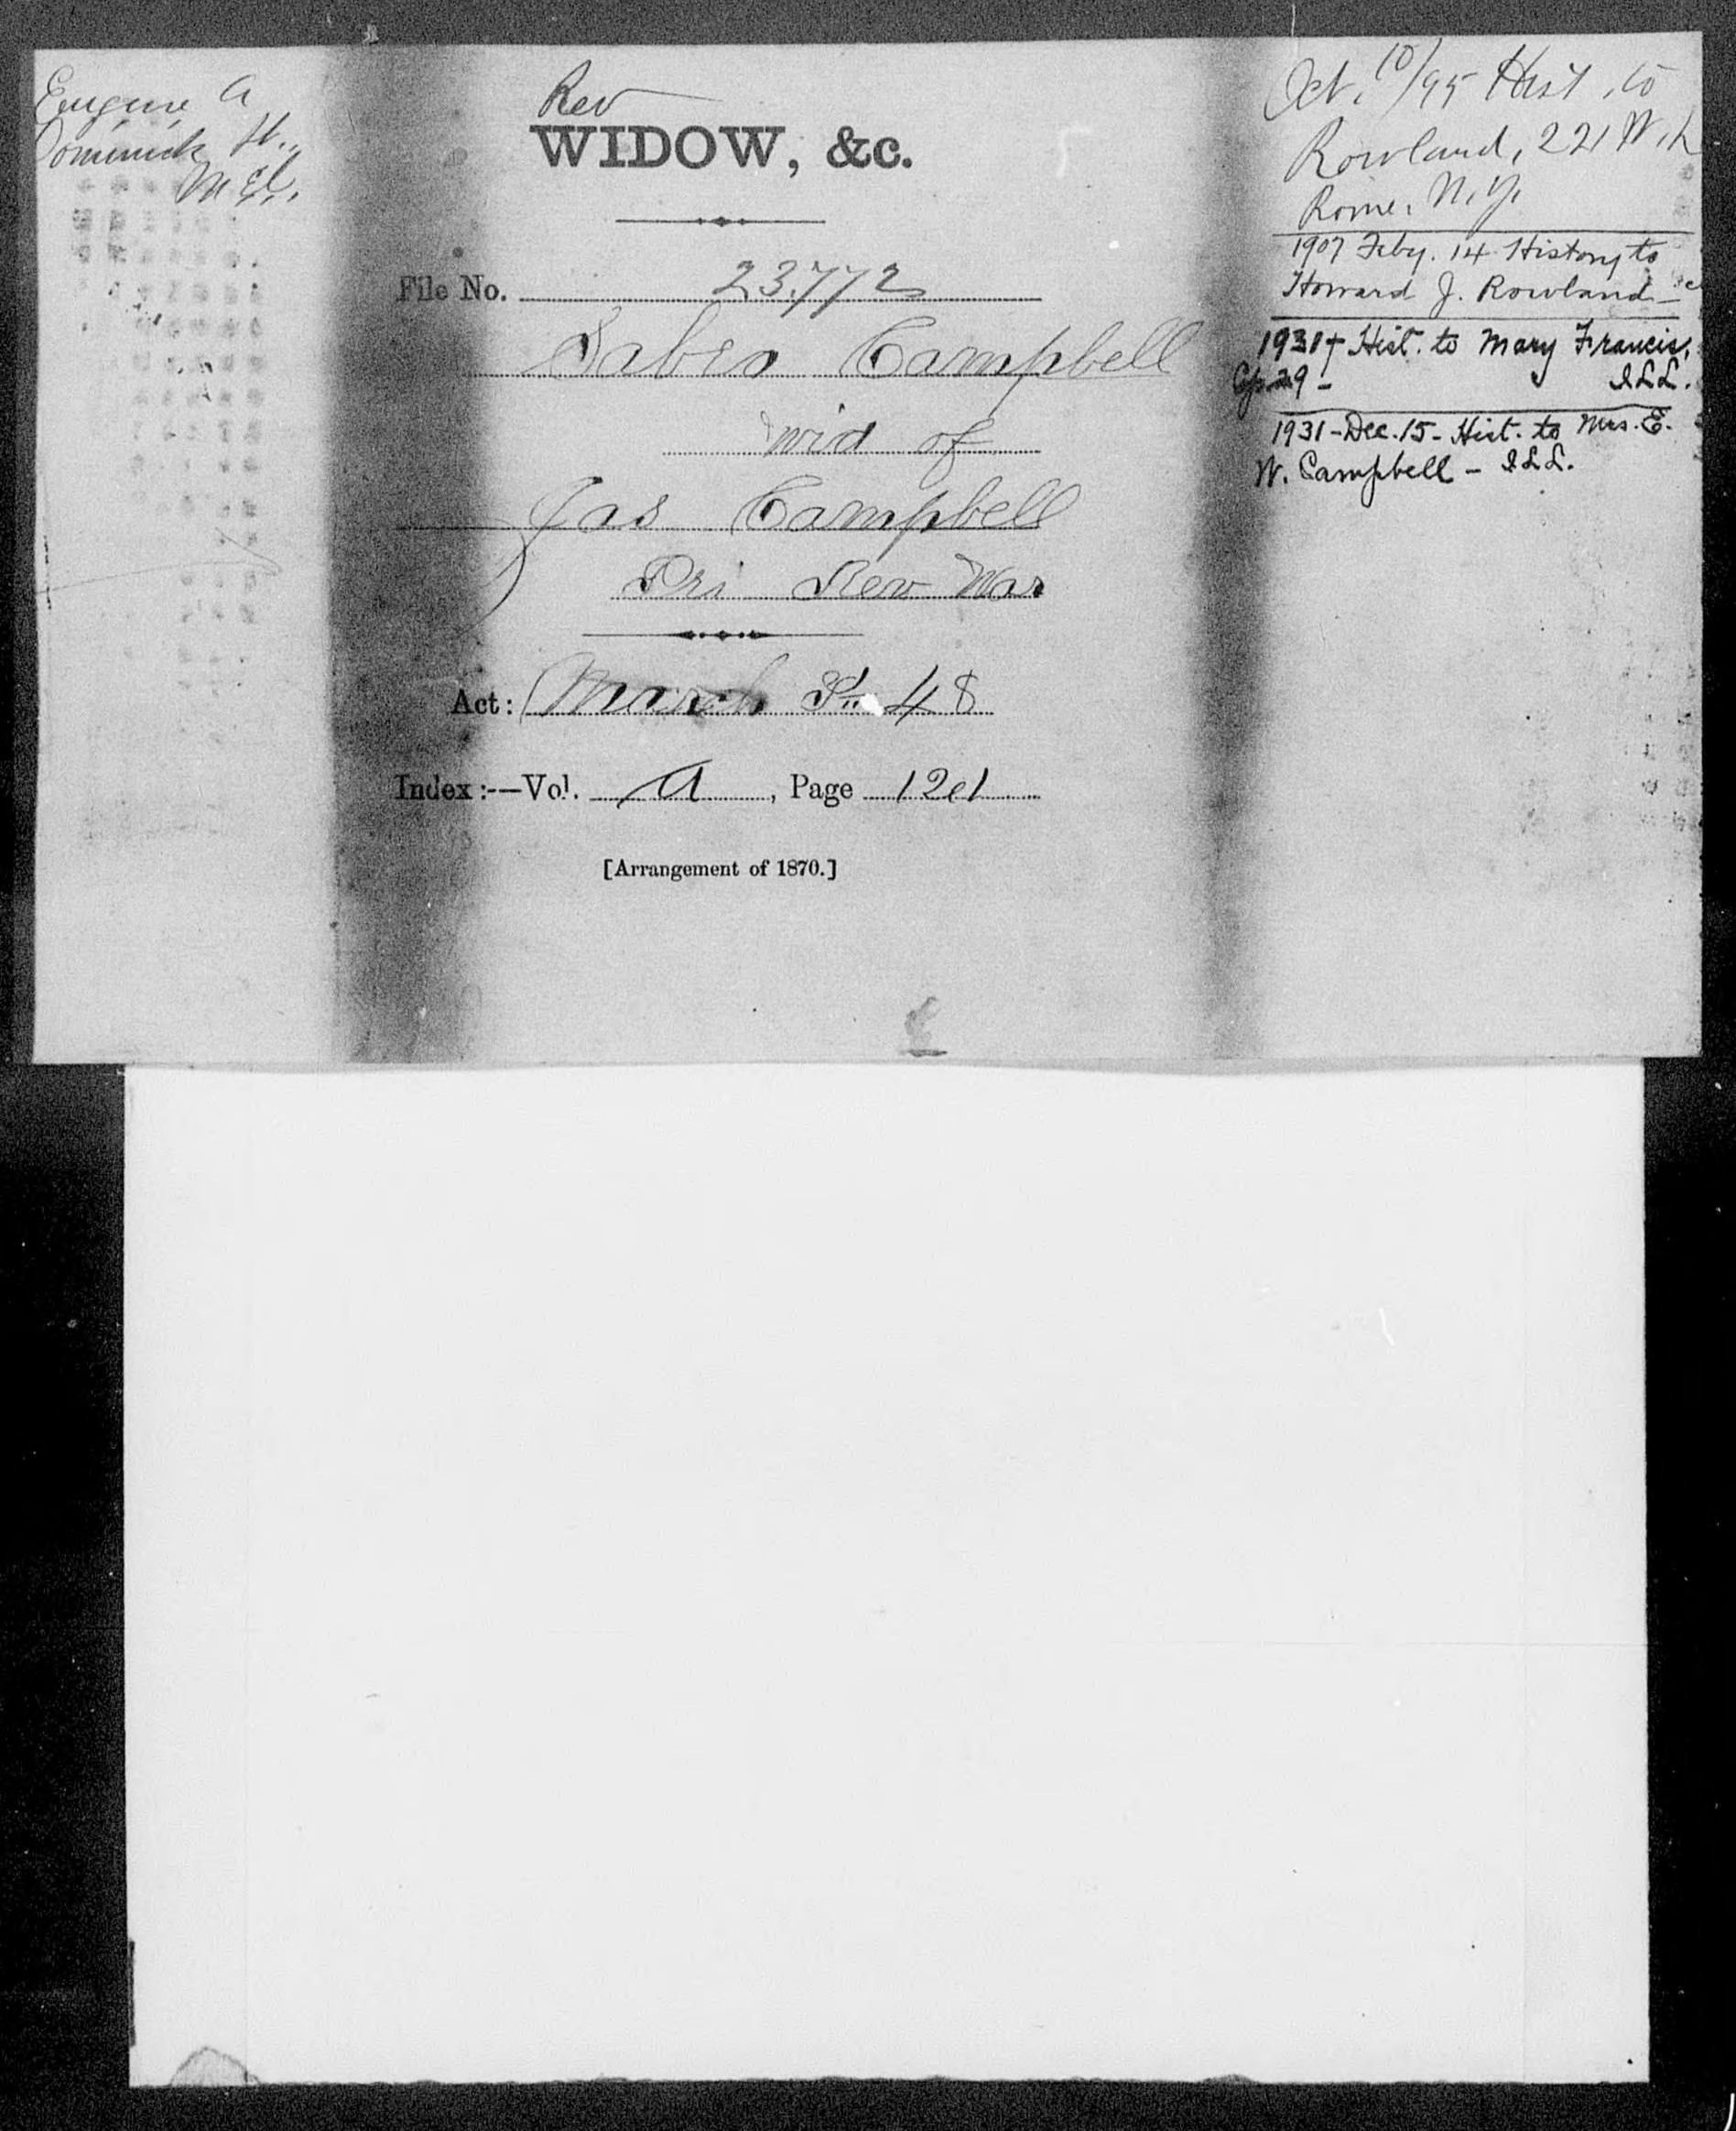Eugene A
Dominick Vt.
M.E.l,

Rev
WIDOW, &c.

File No.  23.772
Sabra Campbell
wid of
Jas Campbell
Pri Rev War

Act: March 3d. 48
Index: - Vol. A, Page 121
[Arrangement of 1870.]

Oct. 10/95 Hist to
Rowland, 221 W. [illegible]┃
Rome, N.Y.

1907 Feby. 14 - History to
Howard J. Rowland -

1931 - Hist. to Mary Francis,
Ap 29 -          ILL.

1931 - Dec. 15 - Hist. to Mrs. E.
W. Campbell - ILL.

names: Mary Francis, Jas Campbell, E W Campbell, Sabra Campbell, Howard J Rowland, Eugene A Dominick, Rowland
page: 18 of 67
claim: widow's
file: W. 23772, James Campbell, Continental Mass.